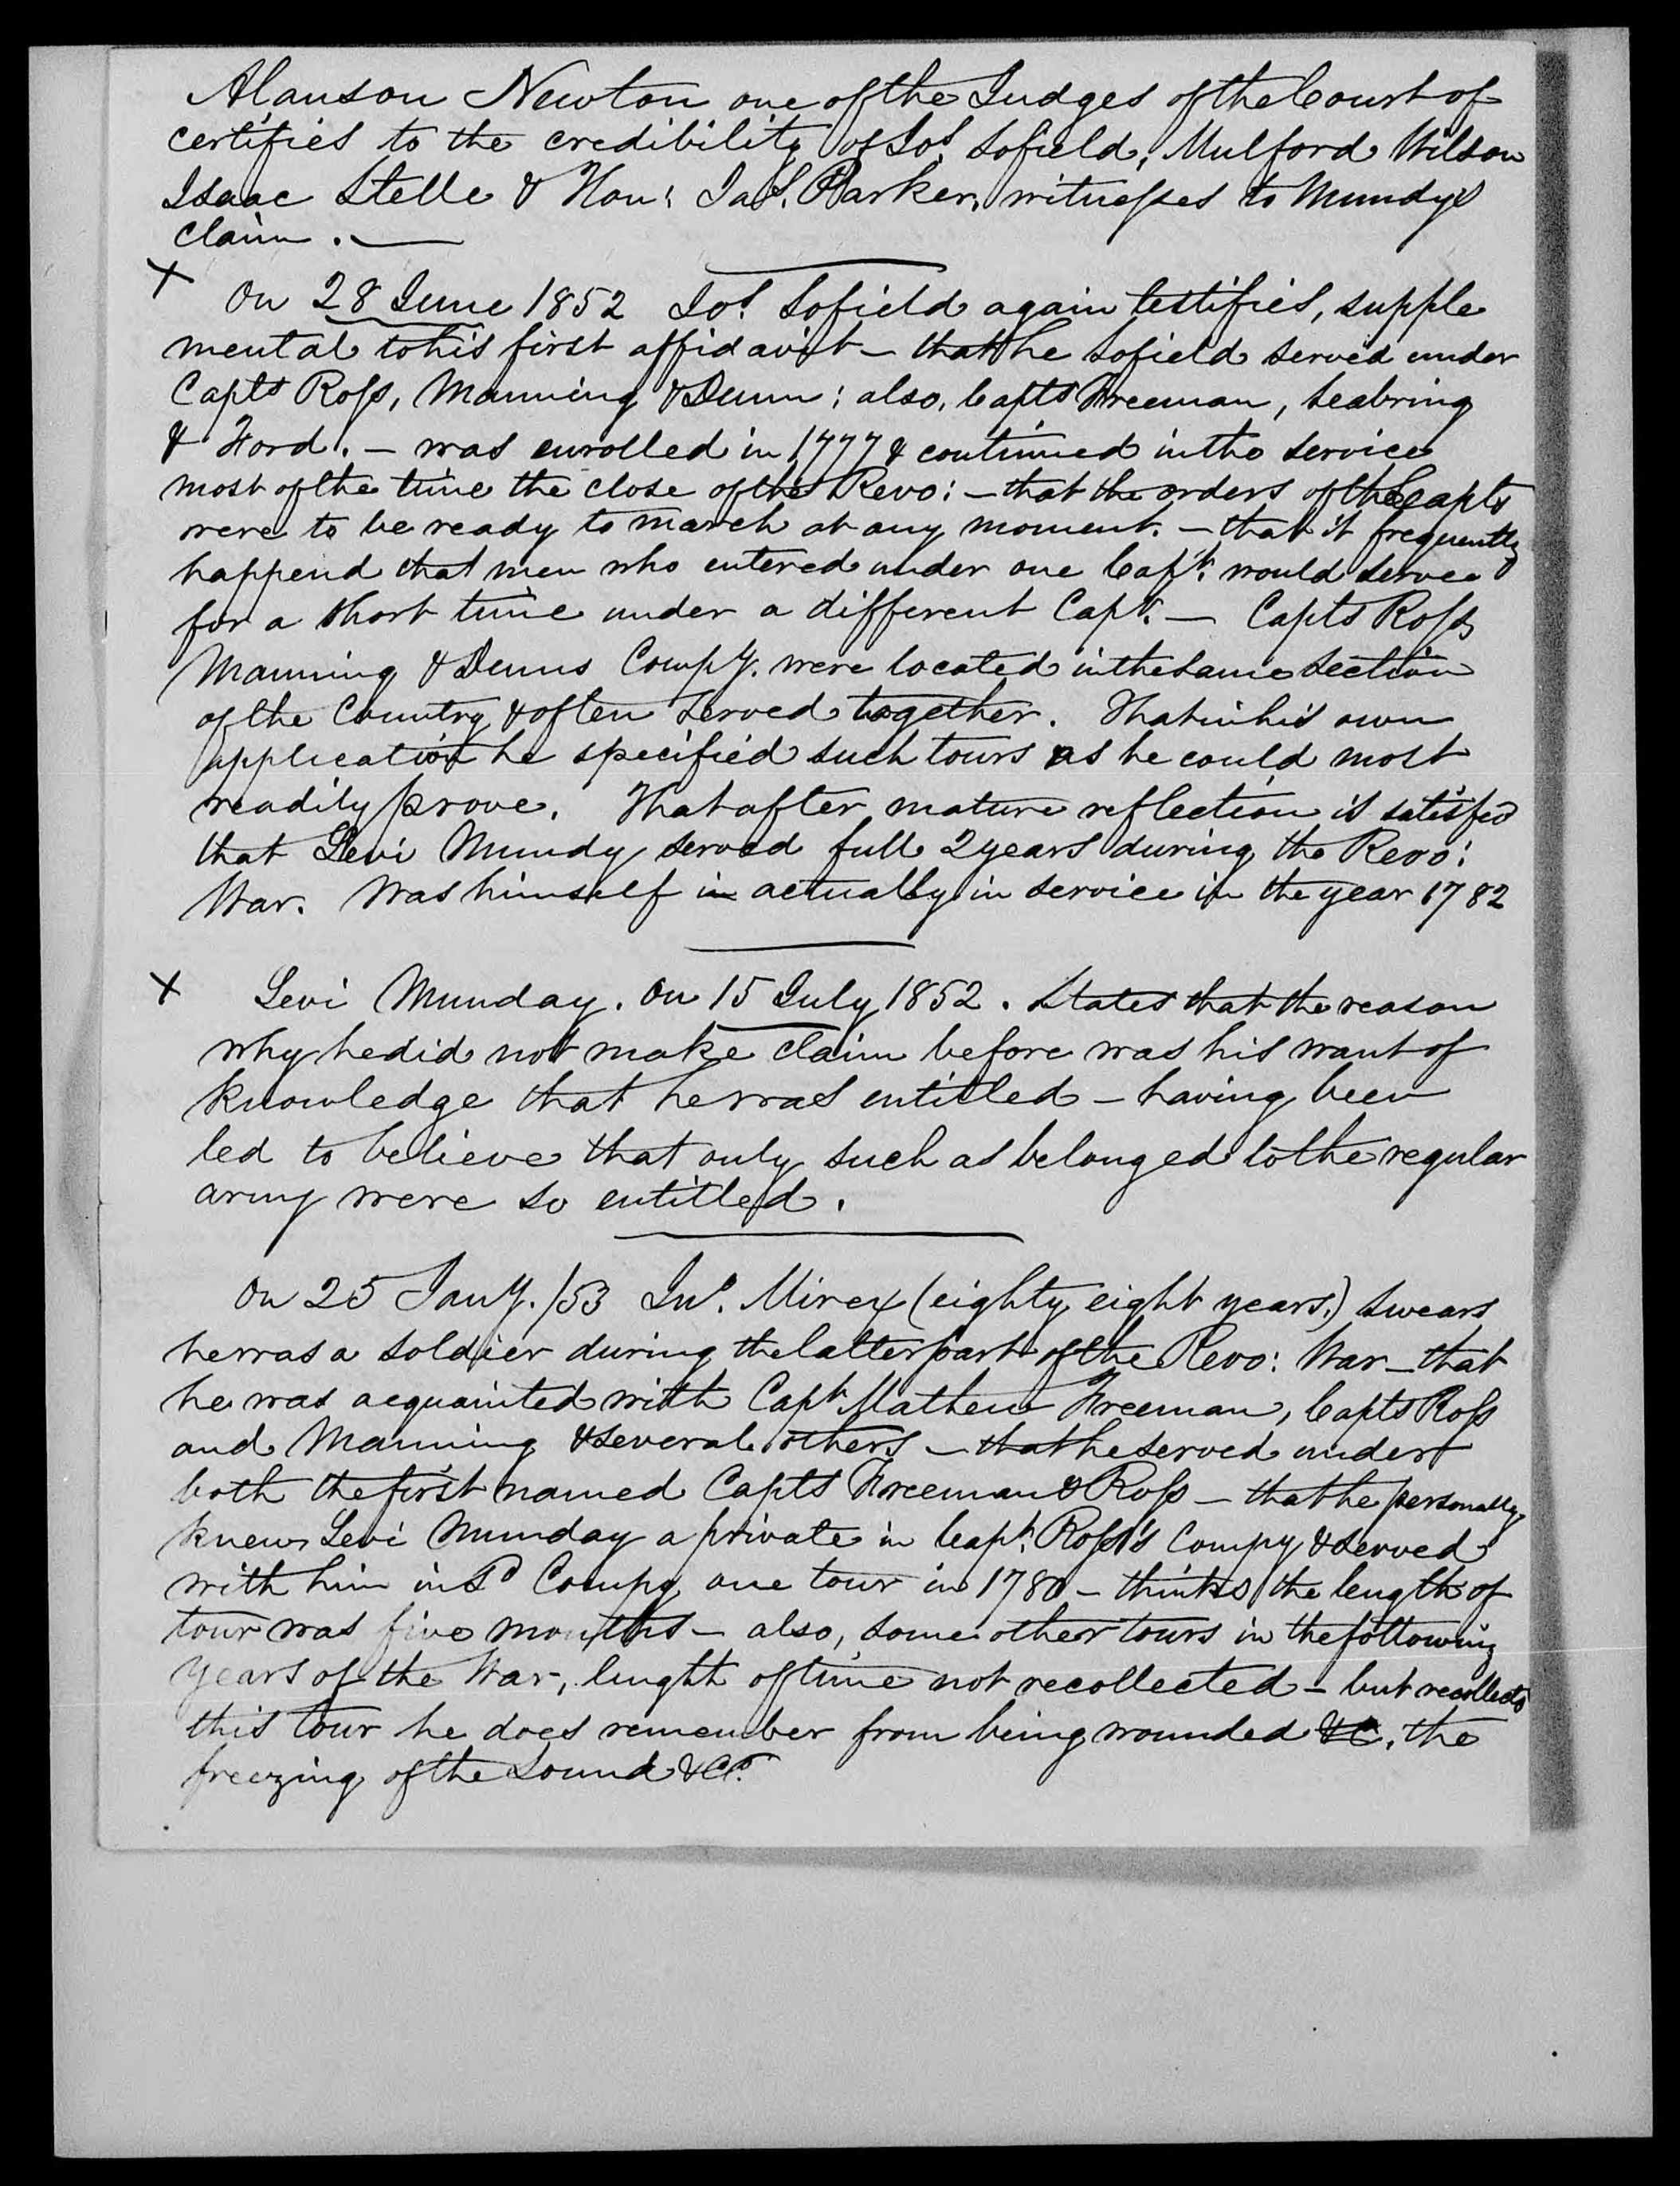Alanson Newton, one of the Judges of the Court of (blank) certifies to the credibility of Jos. Sofield, Mulford Wilson, Isaac Stelle & Hon. Jas. Parker, witnesses to Mundy's claim.

X

On 28 June 1852, Jos. Sofield again testifies, supplemental to his first affidavit. That he, Sofield, served under Capts. Ross, Manning & Dunn; also, Capts. Freeman, Seabring & Ford. Was enrolled in 1777 & continued in the service most of the time (until) the close of the Revo(lution). That the orders of the cap(tains) were to be ready to march at any moment. That it frequently happened that men who entered under one capt(ain) would serve for a short time under a different capt(ain).  Capts. Ross, Manning & Dunn's comp(any) were located in the same section of the Country & often served together. That in his own application he specified such tours as he could most readily prove. That after mature reflection, is satisfied that Levi Mundy served full 2 years during the Revo(lutionary) War, was himself in actuality in service in the year 1782.

X

Levi Munday, on 15 July 1852, states that the reason why he did not make claim before was his want of knowledge that he was entitled, having been led to believe that only such as belonged to the regular army were so entitled.

On 25 Jan./'53 Jno. Minex (eighty eight years) swears he was a soldier during the latter part of the Revo(lutionary) War, that he was acquainted with Capt. Mathew Freeman, Capts. Ross and Manning & several others. That he served under both the first named Capts. Freeman & Ross, that he personally knew Levi Munday, a Private in Capt. Ross's company & served with him in s(aid) company one tour in 1780. Thinks the length of tour was five months - also, some other tours in the following years of the war - length of time not recollected - but recollects this tour he does remember from being wounded [crossed out: &c],. the freezing of the (Staten Island) Sound &c.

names: [BLANK] Seabring; Wilson Isaac; [BLANK] Manning; Alanson Newton; Jos Sofield; Jno Mirex; [BLANK] Freeman; [BLANK] Ross; [BLANK] Ford; Levi Mundy; [BLANK] Dunn; Mathew Freeman; Jas Parker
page: 84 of 95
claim: survivor's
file: S 2889, for Levi Mundy, New Jersey